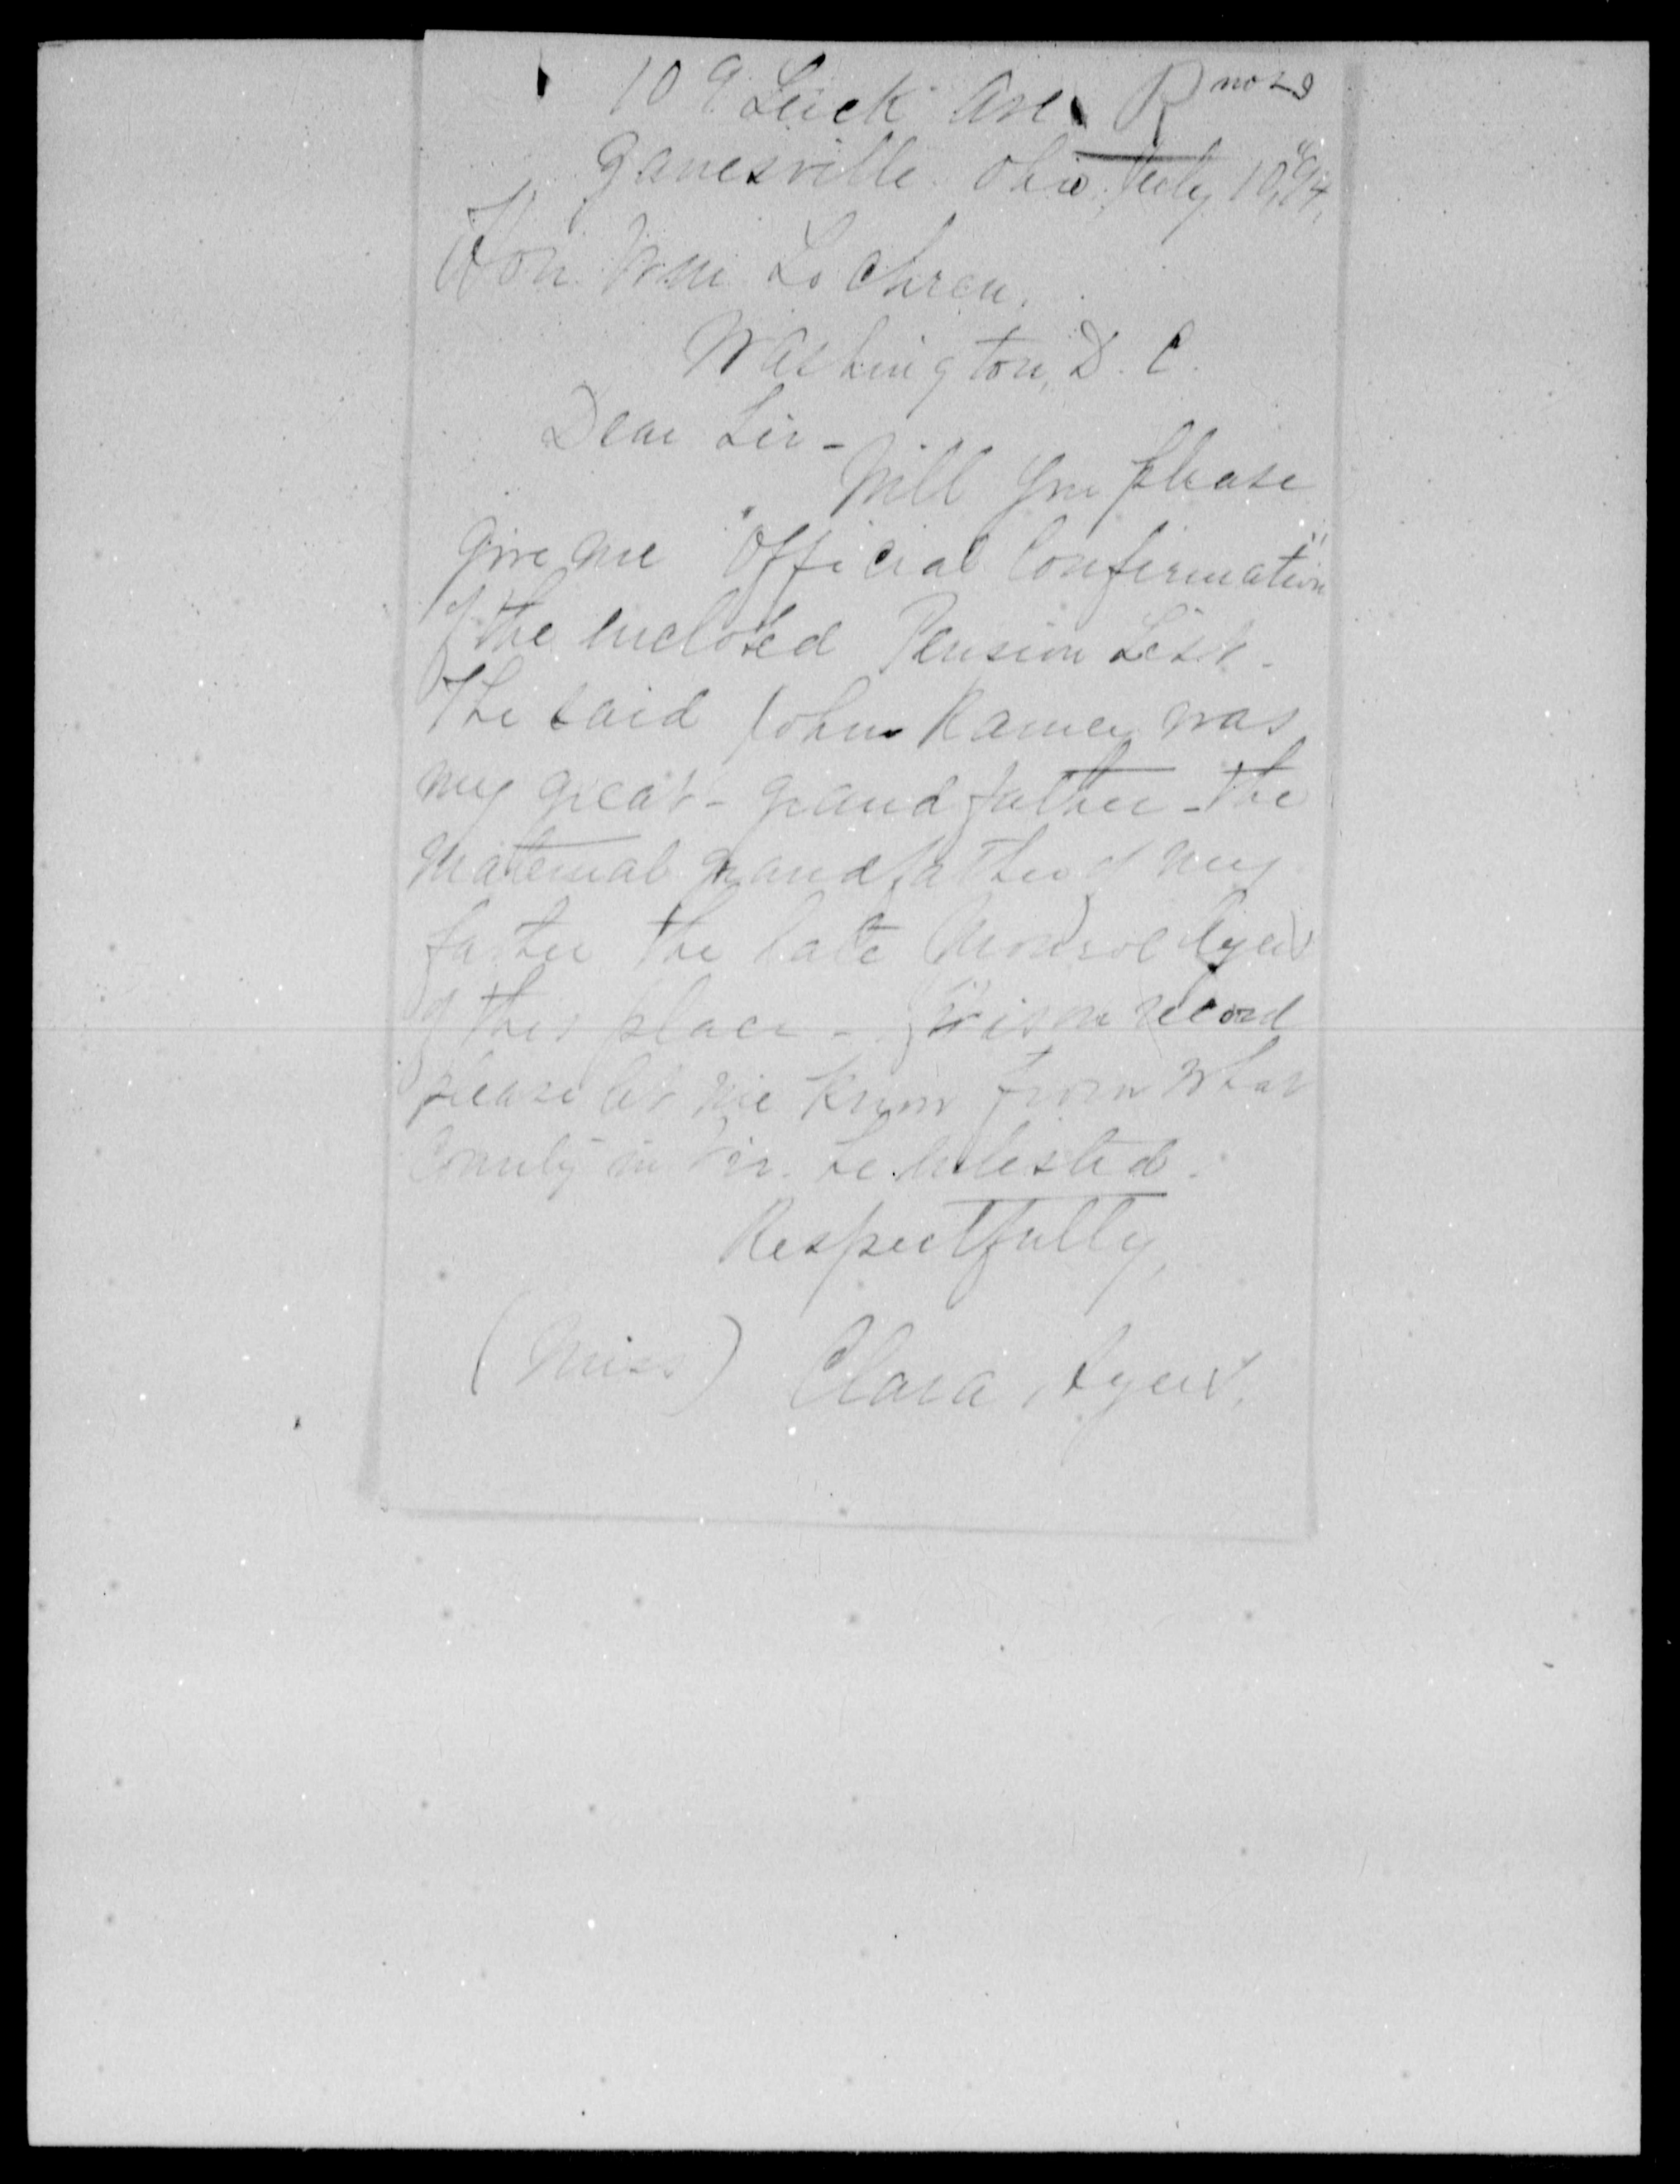109 Luck Ave. R no 29
Ganesville, Ohio July 10, "94,
Hon. Wm Lochren,
Washington, D. C.
Dear Sir-
Will you please give me Official Confirmation of the enclosed Pension List -
The said John Ramey was my great-grandfather  the Maternal grandfather of my father the late Monroe Ayers of this place - If it is in record please let me know from what County in Vir. he enlisted
Respectfully,
(Miss) Clara Ayers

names: John Ramey; Clara Ayers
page: 25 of 84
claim: widow's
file: W.11104, for John Remay, Virginia